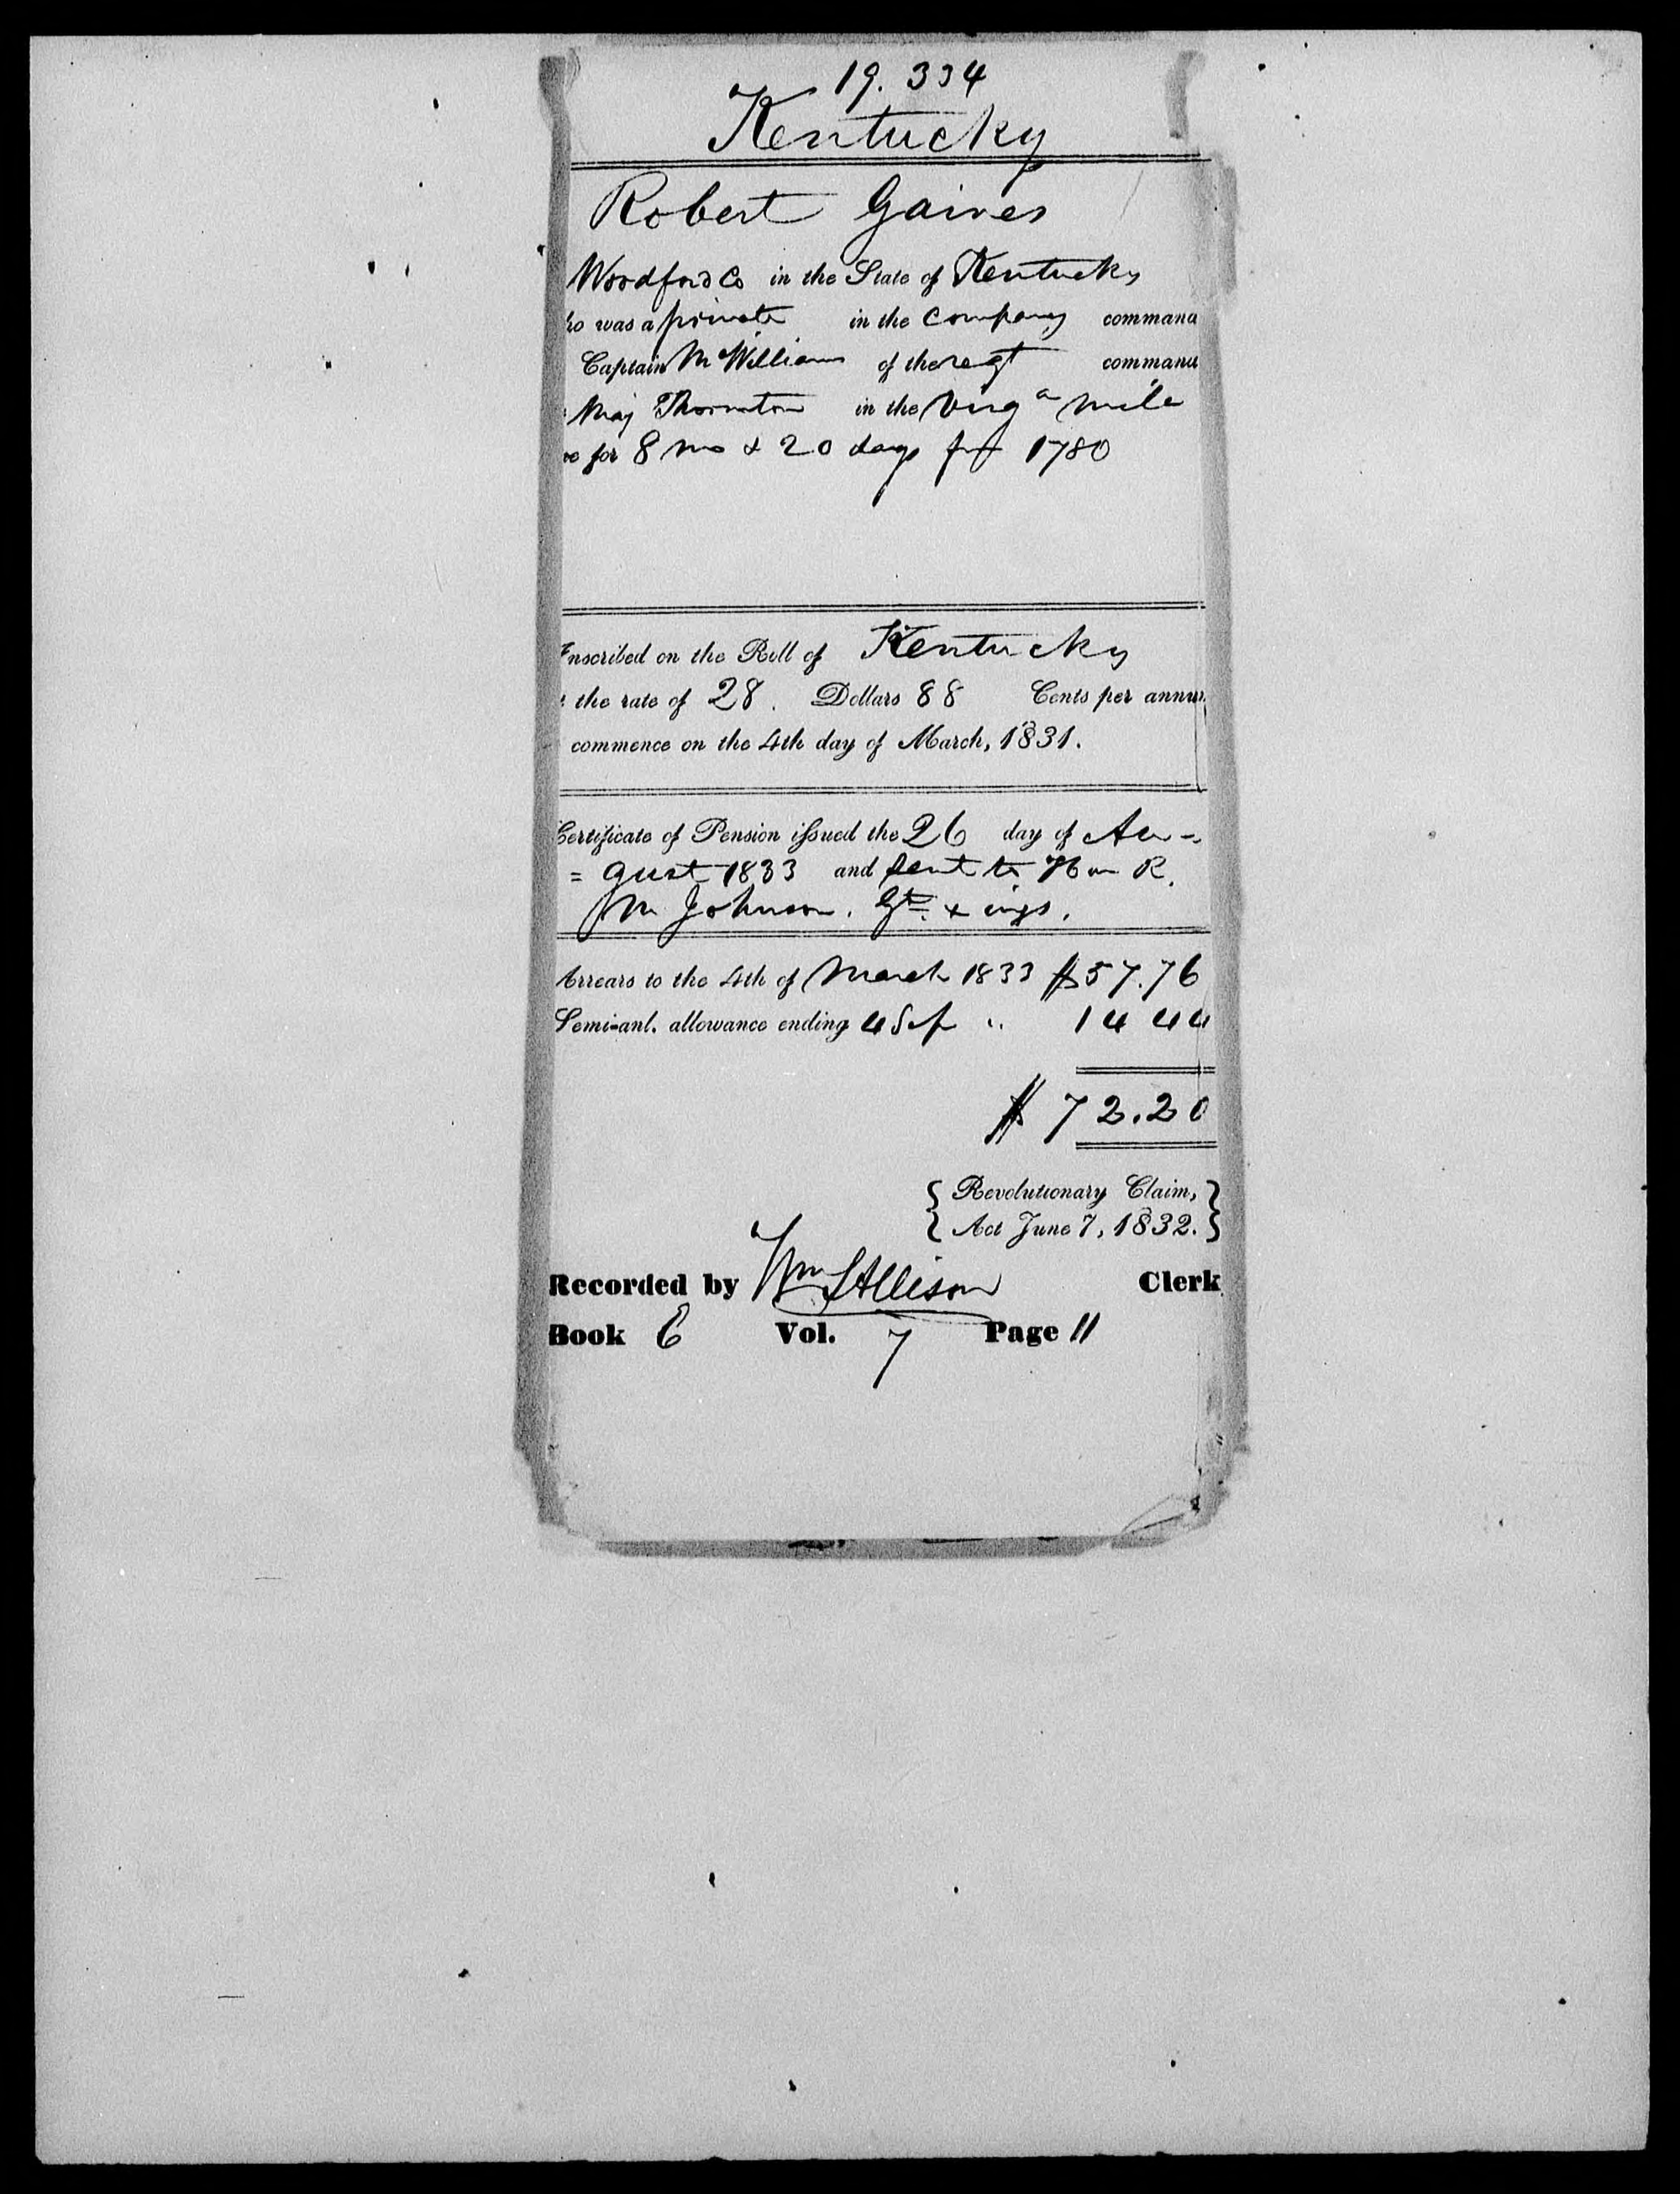19.334
Kentucky
__________
Robert Gaines
Woodford Co in the State of Kentucky
who was a private in the company command[ed]
[by] Captain McWilliams of the regt comman[ded] [by] Maj Thornton in the Virg'a Mile
[line] for 8 mo & 20 days for 1780
__________
Inscribed on the Roll of Kentucky
[at] the rate of 28 Dollars 88 Cents per annum
[to] commence on the 4th day of March, 1831.
__________
Certificate of Pension issued the 26 day of August 1833 and sent to Hon R.
M Johnson, [illegible]
__________
Arrears to the 4th of March 1833 $57.76
Semi-anl. allowance ending 4 Sept " 14 44
$72.20
{Revolutionary Claim,
Act June 7, 1832.}
Recorded by Wm L Allison Cerk
Book C Vol. 7 Page 11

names: R M Johnson, Wm S Allison, Mc Williams, Thornton, Robert Gaines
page: 2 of 79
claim: rejected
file: R. 3863, Robert Gaines, Va.